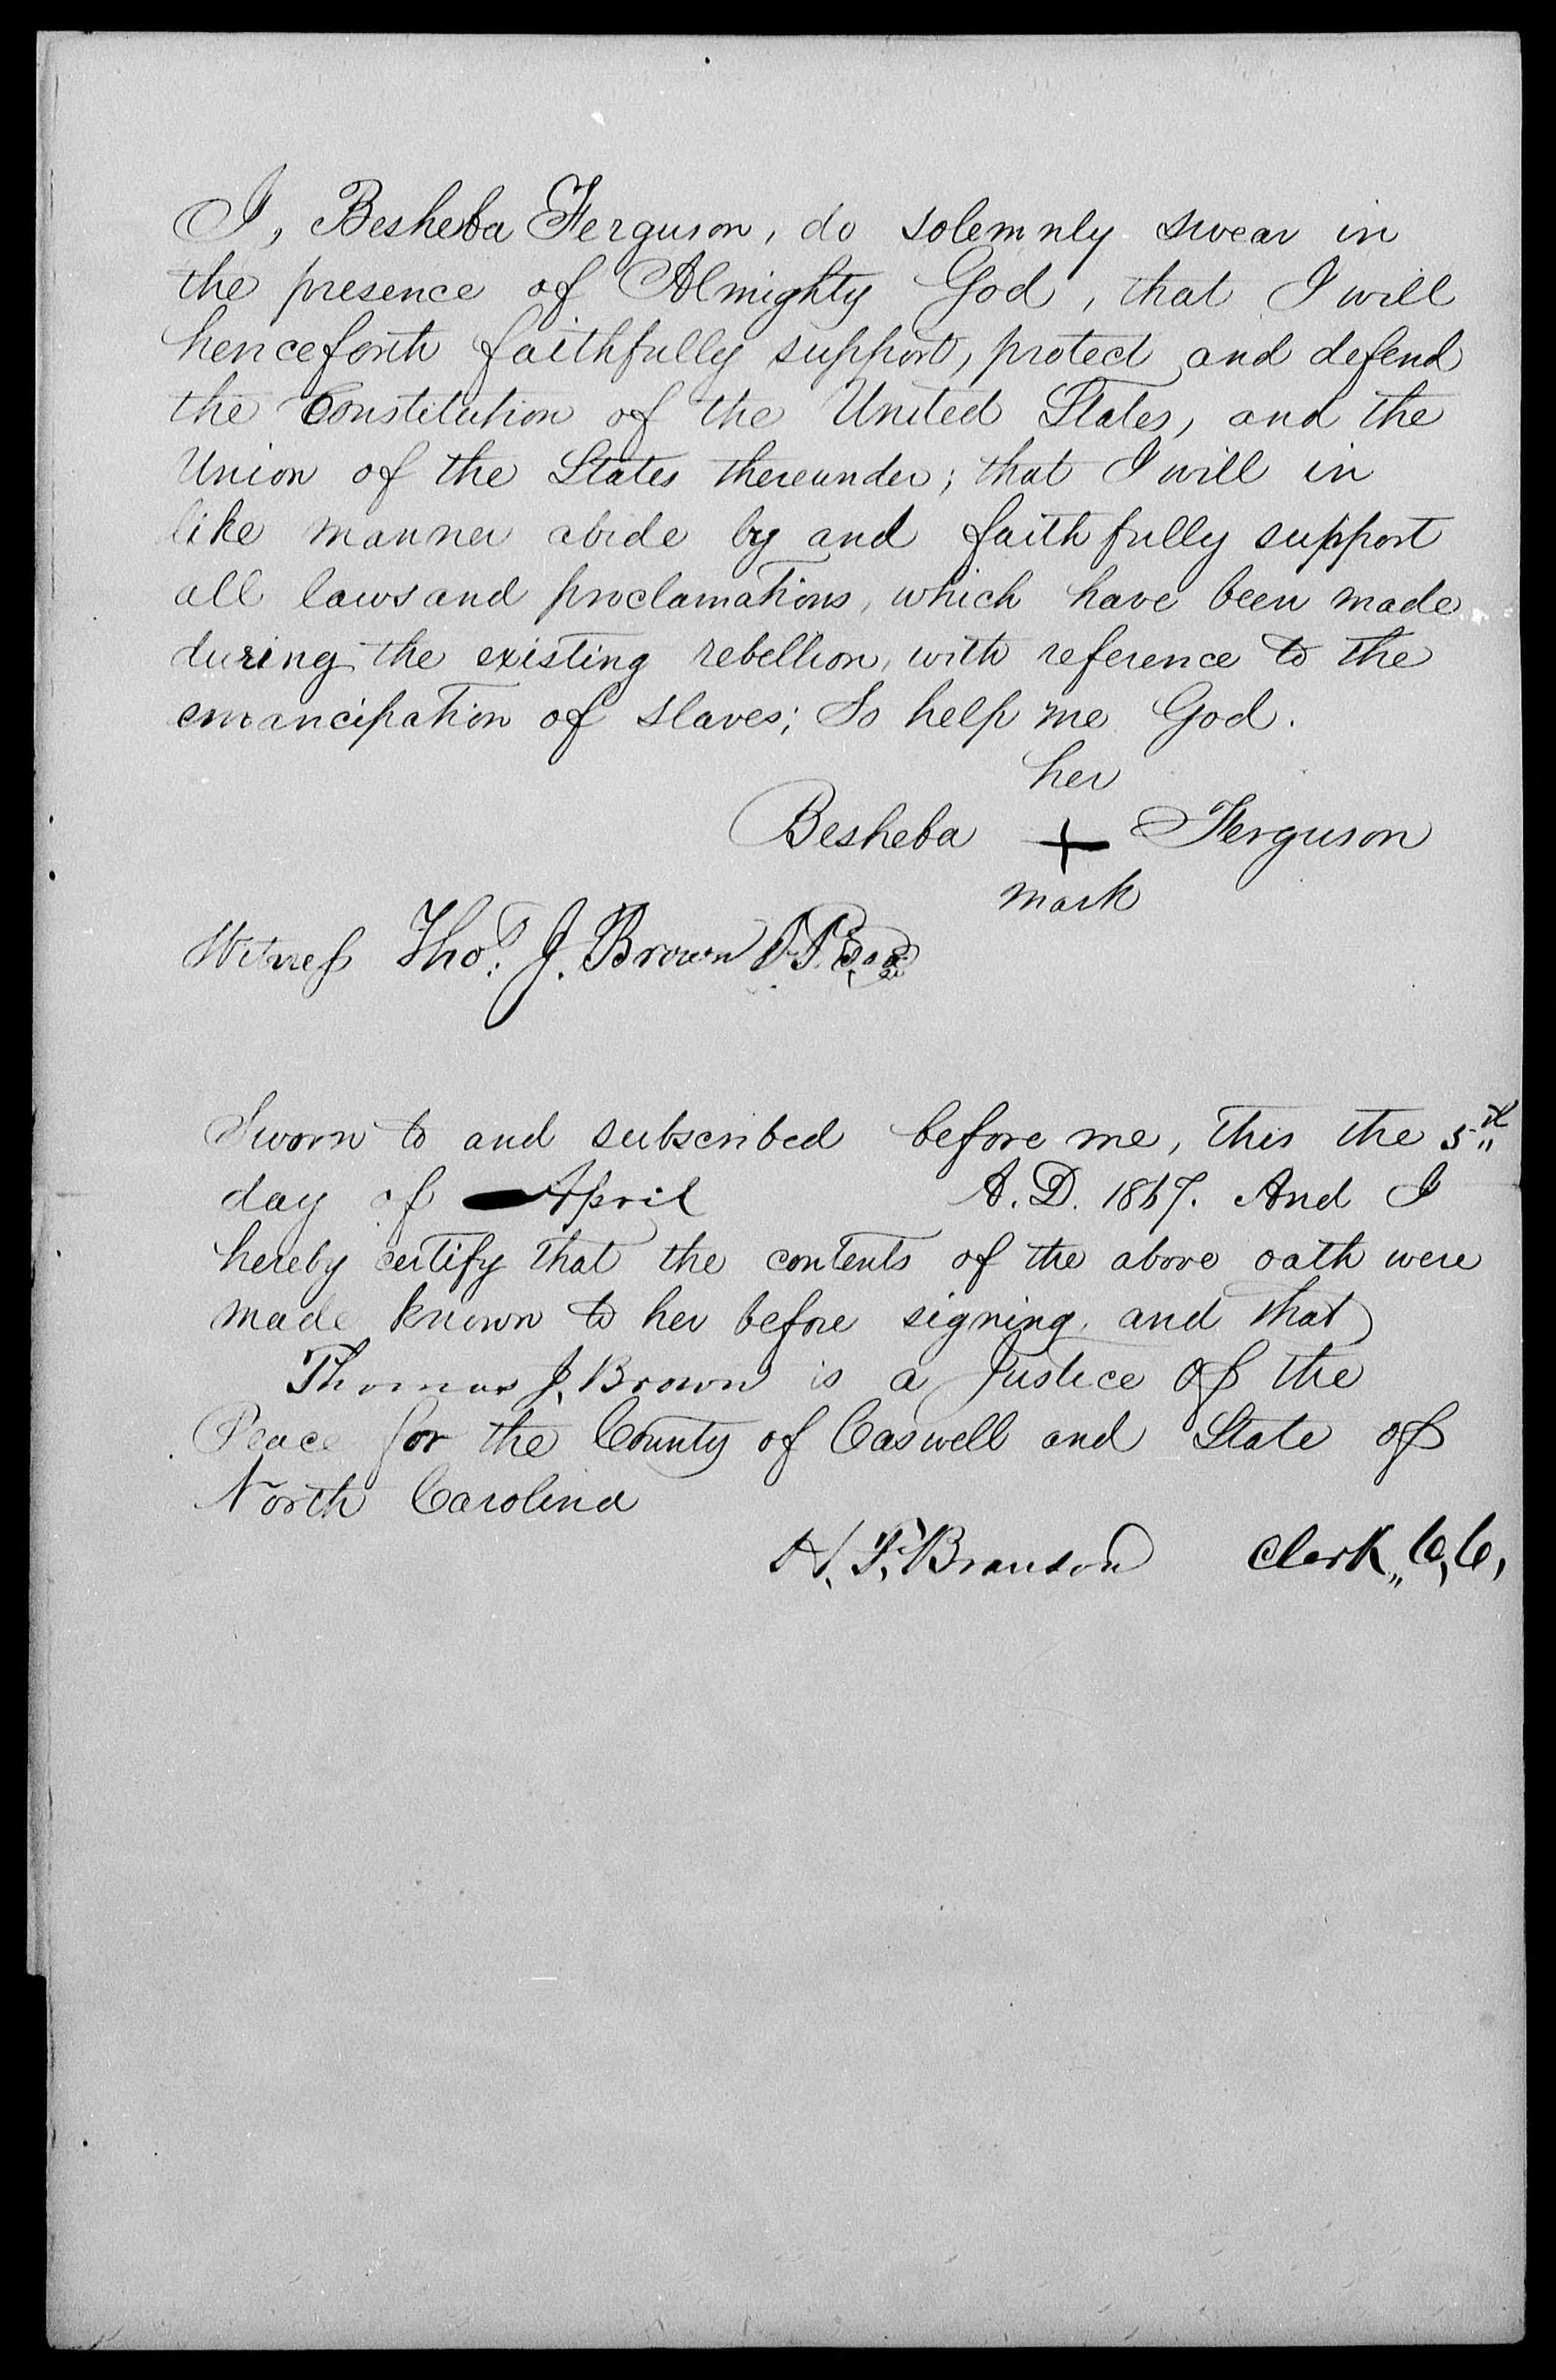I, Besheba Ferguson, do solemnly swear in the presence of Almighty God, that I will henceforth faithfully support, protect, and defend the Constitution of the United States, and the Untion of the States thereunder; that I will in like manner abide by and faithfully support all laws and proclamations, which have been made during the existing rebellion, with reference to the emancipation of slaves; So help me God.
her Besheba + Ferguson mark
[illegible] Thos J Brown [illegible]
Sworn to and subscribed before me, this the 5th day of April A.D. 1867. And I herby certify that the contents of the above oath were made known to her before signing and that Thomas J. Brown is a Justice of the Peace for the County of Gaswell and Sate of NOrht Carolina
H.F. Brandon Clerk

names: H F Brandon, Besheba Ferguson, Thos J Brown, Thomas J Brown, Besheba Ferguson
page: 51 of 81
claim: widow's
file: W. 7262, Robert Ferguson, Va.